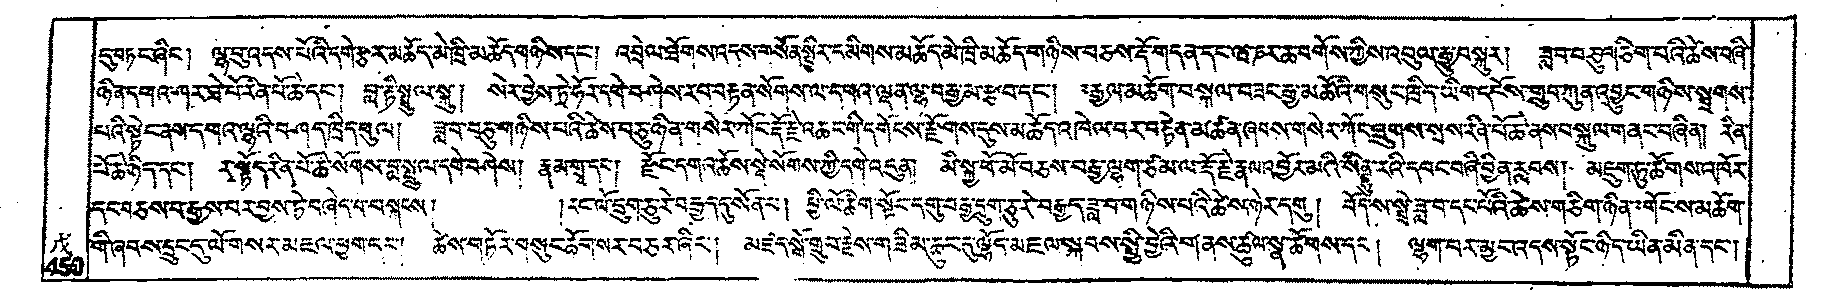དུ་བཏང་ཞིང་། ལྷ་བུ་འདས་པོའི་དགེ་རྩར་མཆོད་མེ་ཁྲི་མཆོད་གཉིས་དང་། འབྲེལ་ཐོགས་འདས་གསོན་སྤྱིར་དམིགས་མཆོད་མེ་ཁྲི་མཆོད་གཉིས་བཅས་རྡོ་གདན་དང་ཝ་ཎར་ཆ་བགོས་ཀྱིས་འབུལ་རྒྱུ་བསྐུར། ཟླ་བ་བཅུ་གཅིག་པའི་ཚེས་བཞི་
ཉིན་དགའ་ཤར་ཐེ་པོ་རིན་པོ་ཆེ་དང་། བླ་རྟི་སྤྲུལ་སྐུ། སེར་བྱེས་ཏྲེ་ཧོར་དགེ་བཤེས་རབ་བརྟན་སོགས་ལ་དགའ་ལྡན་ལྷ་བརྒྱ་མ་རྩ་བ་དང་། ༧རྒྱལ་མཆོག་བསྐལ་བཟང་རྒྱ་མཚོའི་གསུང་ཁྲིད་ཡིག་དངོས་གྲུབ་ཀུན་འབྱུང་གཉིས་སྦྲགས་
པའི་སྟེང་ནས་དགའ་ལྷའི་བཤད་ཁྲིད་ཕུལ། ཟླ་བ་བཅུ་གཉིས་པའི་ཚེས་བཅུ་ཉིན་གསེར་ཀོང་རྡོ་རྗེ་འཆང་གི་དགོངས་རྫོགས་དུས་མཆོད་འཁེལ་བར་བརྟེན་མཚན་ཞབས་གསེར་ཀོང་ཐུགས་སྲས་རིན་པོ་ཆེ་ནས་བསྐུལ་གནང་བཞིན། རིན་
པོ་ཆེ་ཉིད་དང་། རྭ་སྟོད་རིན་པོ་ཆེ་སོགས་བླ་སྤྲུལ་དགེ་བཤེས། རྣམ་གྲྭ་དང་། རྫོང་དགའ་ཆོས་སྡེ་སོགས་ཀྱི་དགེ་འདུན། མི་སྐྱ་ཕོ་མོ་བཅས་བརྒྱ་ལྷག་ཙམ་ལ་རྡོ་རྗེ་རྣལ་འབྱོར་མའི་སིནྡྷུ་རའི་དབང་བཞི་བྱིན་རླབས། མཇུག་ཏུ་ཚོགས་འཁོར་
དང་བཅས་པ་རྒྱས་པར་བྱས་ཏེ་བཞེད་པ་བསྐངས། །རང་ལོ་དྲུག་ཅུ་རེ་བརྒྱད་དུ་སོན་པ། ཕྱི་ལོ་ཆིག་སྟོང་དགུ་བརྒྱ་དྲུག་ཅུ་རེ་བརྒྱད་ཟླ་བ་གཉིས་པའི་ཚེས་ཉེར་དགུ །བོད་ས་སྤྲེ་ཟླ་བ་དང་པོའི་ཚེས་གཅིག་ཉིན་༧གོང་ས་མཆོག་
གི་ཞབས་དྲུང་དུ་ལོ་གསར་མཇལ་ཕྱག་དང་། ཚེས་གཏོར་གསུང་ཆོག་སར་བཅར་ཞིང་། མཛད་སྒོ་གྲུབ་རྗེས་གཟིམ་ཆུང་དུ་ལྷོད་མཇལ་སྐབས་སྤྱི་བྱེའི་གནས་ཚུལ་སྣ་ཚོགས་དང་། ལྷག་པར་མྱང་འདས་སྟོང་ཉིད་ཡིན་མིན་དང་།